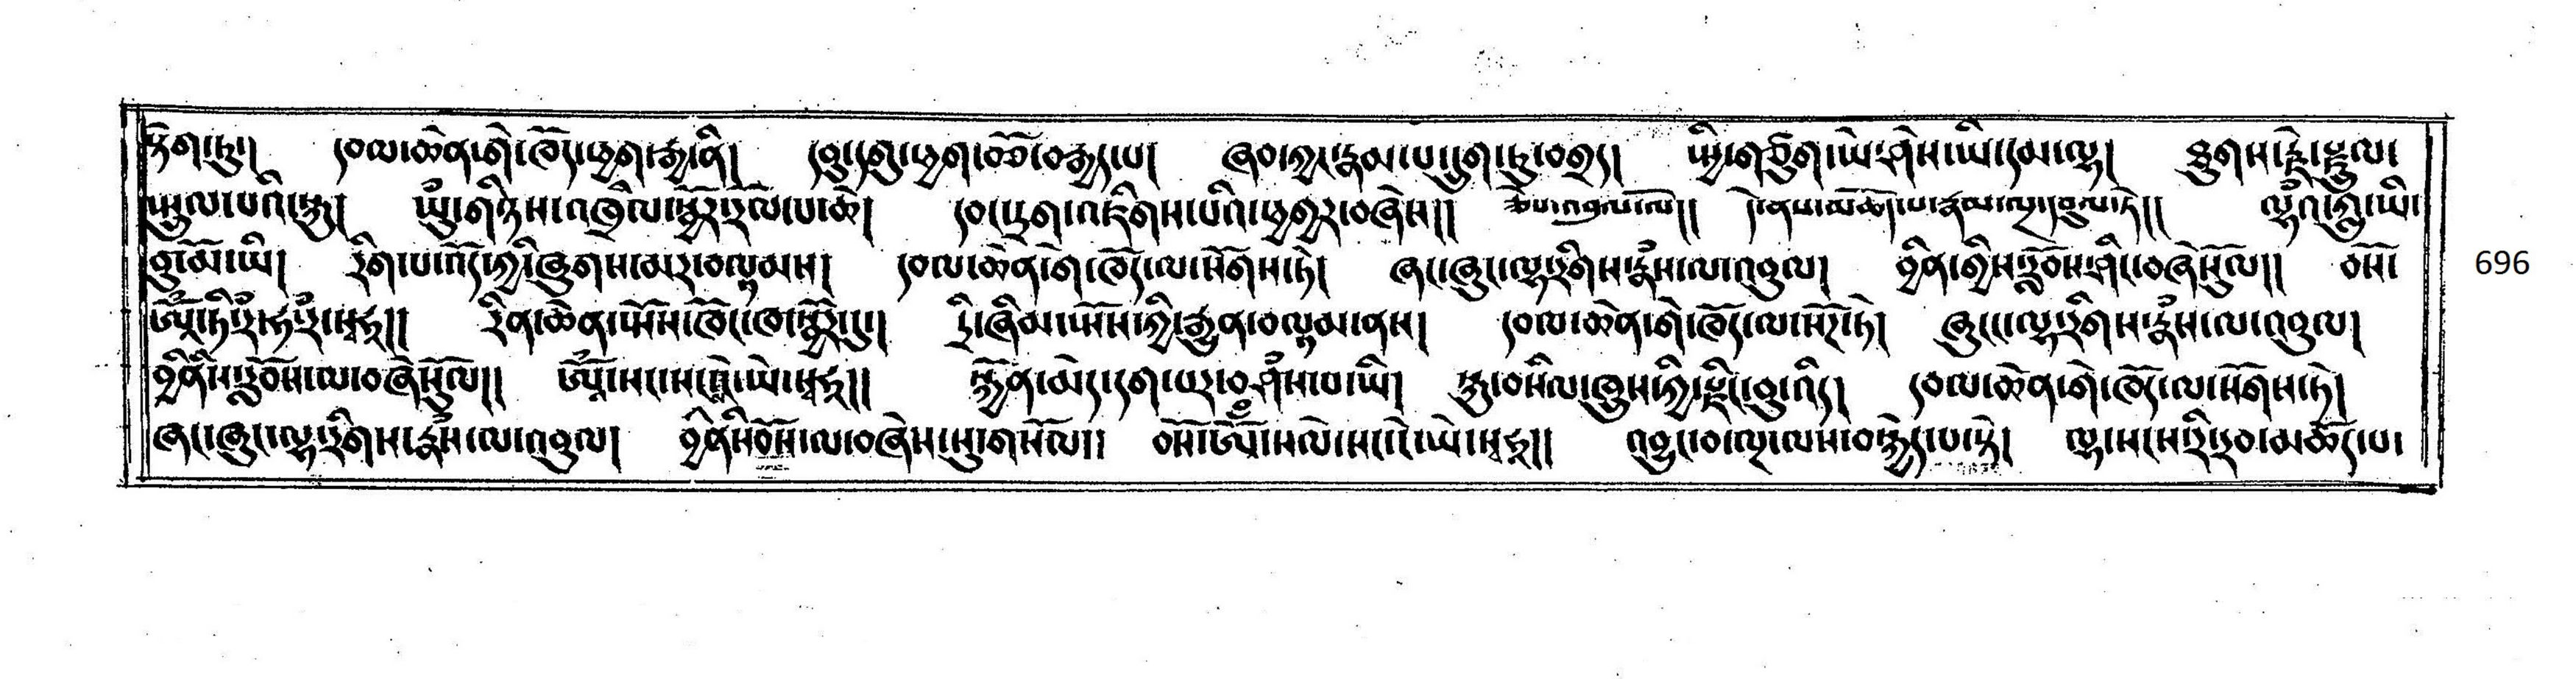སྟེག་ཏུ། དབལ་ཆེན་གེ་ཁོད་ཕྱག་རྒྱ་ནི། དབུ་དགུ་ཕྱག་ཀྱང་བཅོ་བརྒྱད་པ། ཞབས་ཀྱང་རྣམ་པ་དྲུག་ཏུ་བགྲད། སྤྱི་གཙུག་ཡེ་ཤེས་ཡི་དམ་ལྷ། ཐུགས་རྗེ་རྫུ་
འཕྲུལ་སྤྲུལ་པའི་སྐུ། ཡུམ་གཉིས་འཁྲིལ་སྦྱོར་རོལ་པ་ཆེ། དབང་དྲག་འཇིགས་པའི་ཕྱག་རྒྱར་བཞེས།། ཅེས་འབུལ་ལོ།། དེ་ནས་མཆོད་པ་རྣམ་ལྔ་དབུལ་ཏེ།། ལྷའམ་ཀླུ་ཡི་
བུ་མོ་ཡི། རིག་པ་འོད་ཀྱི་ཞུགས་མར་བལྟམས། དབལ་ཆེན་གེ་ཁོད་ལ་སོགས་ཏེ། ཞང་ཞུང་ལྷ་རིགས་རྣམས་ལ་འབུལ། བྱིན་གྱིས་རློབས་ཤིང་བཞེས་སུ་གསོལ།། བསོ་
ཨཱོཾ་ཏི་རཾ་ཧ་རཾ་སྭཧཱ།། རིན་ཆེན་སྤོས་ཁང་ཁ་སྦྱོར་དུ། དྲི་ཞིམ་སྤོས་ཀྱི་རྒྱུན་བལྟམས་ནས། དབལ་ཆེན་གེ་ཁོད་ལ་སོགས་ཏེ། ཞང་ཞུང་ལྷ་རིགས་རྣམས་ལ་འབུལ། 
བྱིན་གྱིས་རློབས་ལ་བཞེས་སུ་གསོལ།། ཨཱོཾ་སང་སང་སངེ་ཡེ་སྭཧཱ།། སྐྱོན་མེད་དག་པར་བཤམས་པ་ཡི། སྐུ་བསིལ་ཁྲུས་ཀྱི་རྫིང་བུ་འདི། དབལ་ཆེན་གེ་ཁོད་ལ་སོགས་ཏེ། 
ཞང་ཞུང་ལྷ་རིགས་རྣམས་ལ་འབུལ། བྱིན་གྱིས་རློབས་ལ་བཞེས་སུ་གསོལ།། བསོ་ཨཱོཾ་སལེ་སང་ངེ་ཡེ་སྭཧཱ།། འབྱུང་བ་ལྔ་ལས་བསྐྱེད་པ་སྟེ། ལྷ་སངས་རི་རབ་མཆོད་པ་